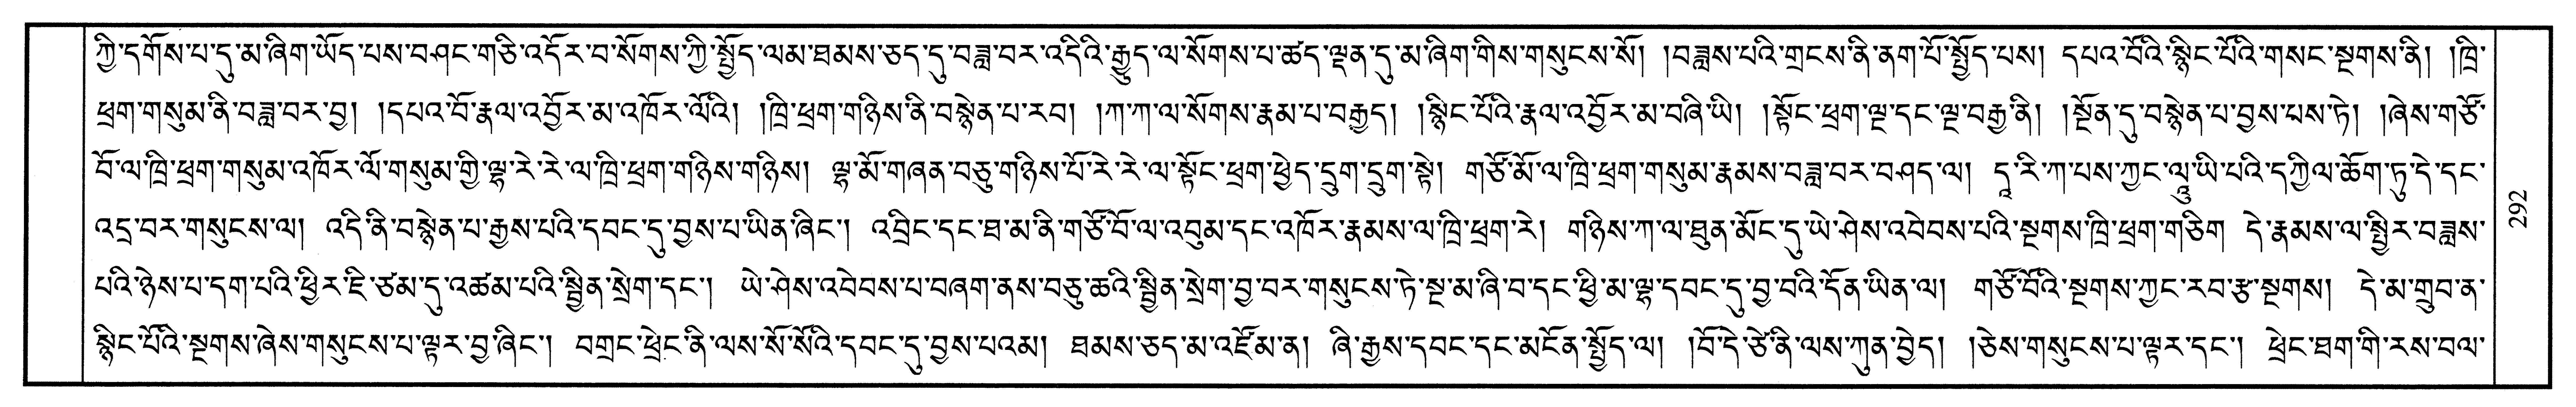ཀྱི་དགོས་པ་དུ་མ་ཞིག་ཡོད་པས་བཤང་གཅི་འདོར་བ་སོགས་ཀྱི་སྤྱོད་ལམ་ཐམས་ཅད་དུ་བཟླ་བར་འདིའི་རྒྱུད་ལ་སོགས་པ་ཚད་ལྡན་དུ་མ་ཞིག་གིས་གསུངས་སོ། །བཟླས་པའི་གྲངས་ནི་ནག་པོ་སྤྱོད་པས། དཔའ་བོའི་སྙིང་པོའི་གསང་སྔགས་ནི། །ཁྲི་
ཕྲག་གསུམ་ནི་བཟླ་བར་བྱ། །དཔའ་བོ་རྣལ་འབྱོར་མ་འཁོར་ལོའི། །ཁྲི་ཕྲག་གཉིས་ནི་བསྙེན་པ་རབ། །ཀ་ཀ་ལ་སོགས་རྣམ་པ་བརྒྱད། །སྙིང་པོའི་རྣལ་འབྱོར་མ་བཞི་ཡི། །སྟོང་ཕྲག་ལྔ་དང་ལྔ་བརྒྱ་ནི། །སྔོན་དུ་བསྙེན་པ་བྱས་པས་ཏེ། །ཞེས་གཙོ་
བོ་ལ་ཁྲི་ཕྲག་གསུམ་འཁོར་ལོ་གསུམ་གྱི་ལྷ་རེ་རེ་ལ་ཁྲི་ཕྲག་གཉིས་གཉིས། ལྷ་མོ་གཞན་བཅུ་གཉིས་པོ་རེ་རེ་ལ་སྟོང་ཕྲག་ཕྱེད་དྲུག་དྲུག་སྟེ། གཙོ་མོ་ལ་ཁྲི་ཕྲག་གསུམ་རྣམས་བཟླ་བར་བཤད་ལ། དཱ་རི་ཀ་པས་ཀྱང་ལཱུ་ཡི་པའི་དཀྱིལ་ཆོག་ཏུ་དེ་དང་
འདྲ་བར་གསུངས་ལ། འདི་ནི་བསྙེན་པ་རྒྱས་པའི་དབང་དུ་བྱས་པ་ཡིན་ཞིང་། འབྲིང་དང་ཐ་མ་ནི་གཙོ་བོ་ལ་འབུམ་དང་འཁོར་རྣམས་ལ་ཁྲི་ཕྲག་རེ། གཉིས་ཀ་ལ་ཐུན་མོང་དུ་ཡེ་ཤེས་འབེབས་པའི་སྔགས་ཁྲི་ཕྲག་གཅིག་དེ་རྣམས་ལ་སྤྱིར་བཟླས་
པའི་ཉེས་པ་དག་པའི་ཕྱིར་ཇི་ཙམ་དུ་འཚམ་པའི་སྦྱིན་སྲེག་དང་། ཡེ་ཤེས་འབེབས་པ་བཞག་ནས་བཅུ་ཆའི་སྦྱིན་སྲེག་བྱ་བར་གསུངས་ཏེ་སྔ་མ་ཞི་བ་དང་ཕྱི་མ་ལྷ་དབང་དུ་བྱ་བའི་དོན་ཡིན་ལ། གཙོ་བོའི་སྔགས་ཀྱང་རབ་རྩ་སྔགས། དེ་མ་གྲུབ་ན་
སྙིང་པོའི་སྔགས་ཞེས་གསུངས་པ་ལྟར་བྱ་ཞིང་། བགྲང་ཕྲེང་ནི་ལས་སོ་སོའི་དབང་དུ་བྱས་པའམ། ཐམས་ཅད་མ་འཛོམ་ན། ཞི་རྒྱས་དབང་དང་མངོན་སྤྱོད་ལ། །བོ་དེ་ཙེ་ནི་ལས་ཀུན་བྱེད། །ཅེས་གསུངས་པ་ལྟར་དང་། ཕྲེང་ཐག་གི་རས་བལ་